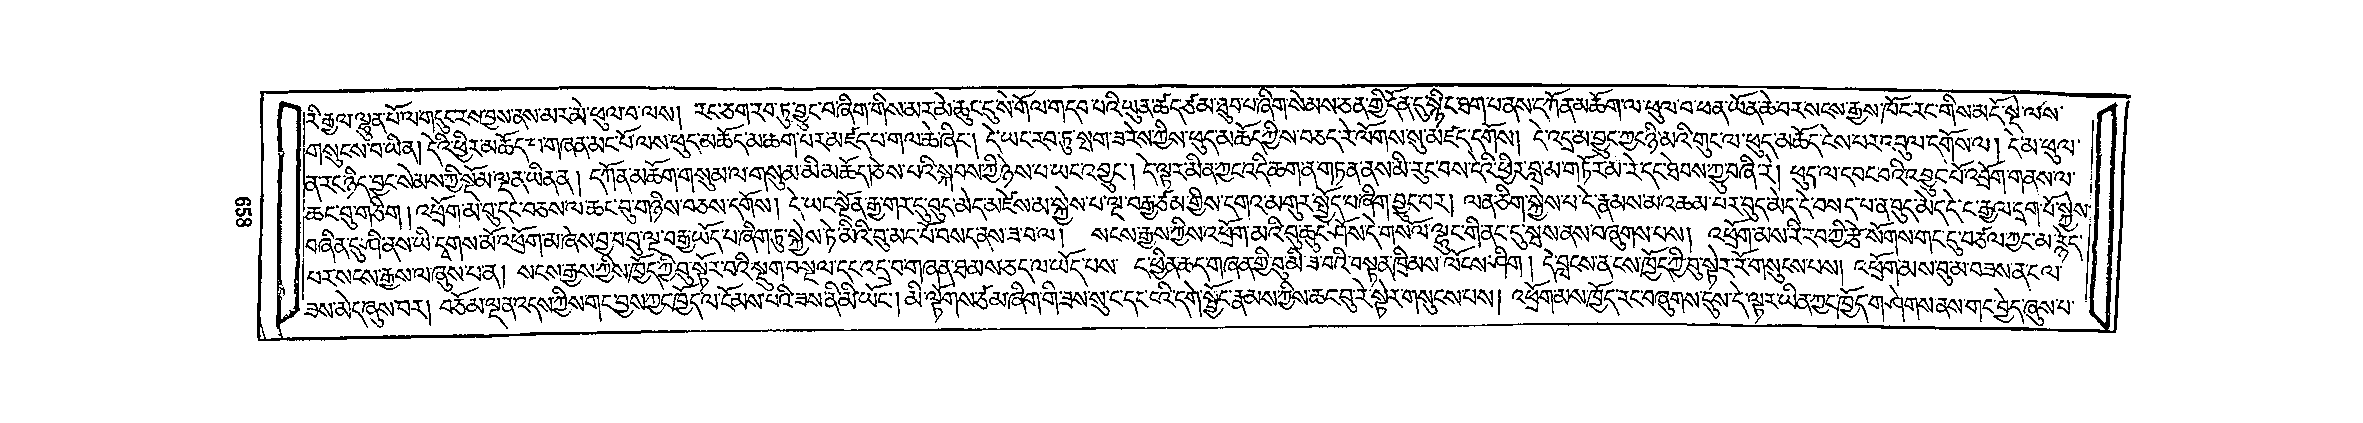རི་རྒྱལ་ལྷུན་པོ་ལ་གདུང་རས་བྱས་ནས་མར་མེ་ཕུལ་བ་ལས། རང་ཅག་རབ་ཏུ་བྱུང་བ་ཞིག་གིས་མར་མེ་ཆུང་ངུ་སེ་གོལ་གདབ་པའི་ཡུན་ཚད་ཙམ་ཐུབ་པ་ཞིག་སེམས་ཅན་གྱི་དོན་དུ་སྙིང་ཐག་པ་ནས་དཀོན་མཆོག་ལ་ཕུལ་བ་ཕན་ཡོན་ཆེ་བར་སངས་རྒྱས་ཁོང་རང་གིས་མདོ་སྡེ་ལས་
གསུངས་པ་ཡིན། དེའི་ཕྱིར་མཆོད་པ་གཞན་མང་པོ་ལས་ཕུད་མཆོད་མ་ཆག་པར་མཛད་པ་གལ་ཆེ་ཞིང་། དེ་ཡང་རབ་ཏུ་སྤག་ཟ་རེས་ཀྱིས་ཕུད་མཆོད་ཀྱི་ས་བཅད་རེ་ལོགས་སུ་མཛད་དགོས། དེ་འདྲ་མ་བྱུང་ཀྱང་ཉི་མའི་གུང་ལ་ཕུད་མཆོད་ངེས་པར་འབུལ་དགོས་ལ། དེ་མ་ཕུལ་
ན་རང་ཉིད་བྱང་སེམས་ཀྱི་སྡོམ་ལྡན་ཡིན་ན། དཀོན་མཆོག་གསུམ་ལ་གསུམ་མི་མཆོད། ཅེས་པའི་སྐབས་ཀྱི་ཉེས་པ་ཡང་འབྱུང་། དེ་ལྟར་མིན་ཀྱང་འདི་ཆག་ན་གཏན་ནས་མི་རུང་བས་དེའི་ཕྱིར་བླ་མ་གཏོར་མ་རེ་དང་ཐེབས་ཀྱུ་བཞི་རེ། ཕུད་ལ་དབང་བའི་འབྱུང་པོ་འབྲོག་གནས་ལ་
ཆང་བུ་གཅིག །འཕྲོག་མ་བུ་དང་བཅས་ལ་ཆང་བུ་གཉིས་བཅས་དགོས། དེ་ཡང་སྔོན་རྒྱ་གར་དུ་བུད་མེད་མཛེས་མ་སྐྱེས་པ་ལྔ་བརྒྱ་ཙམ་གྱིས་དགའ་མགུར་སྤྱོད་པ་ཞིག་བྱུང་བར། ལན་ཅིག་སྐྱེས་པ་དེ་རྣམས་མ་འཆམ་པར་བུད་མེད་དེ་བསད་པ་ན་བུད་མེད་དེ་ང་རྒྱལ་དྲག་པོ་སྐྱེས་
བཞིན་དུ་ཤི་ནས་ཡི་དྭགས་མོ་འཕྲོག་མ་ཞེས་བྱ་བ་བུ་ལྔ་བརྒྱ་ཡོད་པ་ཞིག་ཏུ་སྐྱེས་ཏེ་མིའི་བུ་མང་པོ་བསད་ནས་ཟ་བ་ལ། སངས་རྒྱས་ཀྱིས་འཕྲོག་མའི་བུ་ཆུང་ཤོས་དེ་གསོལ་ལྷུང་གི་ནང་དུ་སྦས་ནས་བཞུགས་པས། འཕྲོག་མས་རི་རབ་ཀྱི་རྩེ་སོགས་གང་དུ་བཙལ་ཀྱང་མ་རྙེད་
པར་སངས་རྒྱས་ལ་ཞུས་པ་ན། སངས་རྒྱས་ཀྱིས་ཁྱོད་ཀྱི་བུ་སྟོར་བའི་སྡུག་བསྔལ་དང་འདྲ་བ་གཞན་ཐམས་ཅད་ལ་ཡོད་པས་ད་ཕྱིན་ཆད་གཞན་གྱི་བུ་མི་ཟ་བའི་བསྟན་ཁྲིམས་ལོངས་ཤིག །དེ་བླངས་ན་ངས་ཁྱོད་ཀྱི་བུ་སྟེར་རོ་གསུངས་པས། འཕྲོག་མས་བུ་མ་བཟས་ནང་ལ་
ཟས་མེད་ཞུས་པར། བཅོམ་ལྡན་འདས་ཀྱིས་གང་བྱས་ཀྱང་ཁྱོད་ལ་ངོམས་པའི་ཟས་ནི་མི་ཡོང་། མི་ལྟོགས་ཙམ་ཞིག་གི་ཟས་སུ་ང་དང་ངའི་དགེ་སྦྱོང་རྣམས་ཀྱིས་ཆང་བུ་རེ་སྟེར་གསུངས་པས། འཕྲོག་མས་ཁྱོད་རང་བཞུགས་དུས་དེ་ལྟར་ཡིན་ཀྱང་ཁྱོད་གཤེགས་ནས་གང་བྱེད་ཞུས་པ་